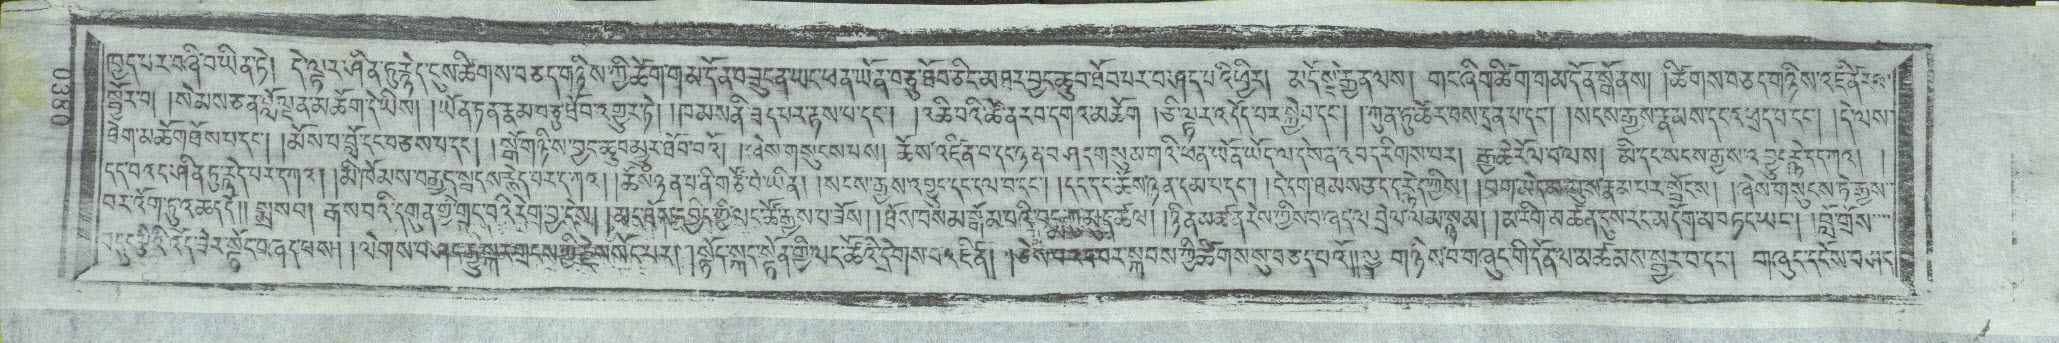ཁྱད་པར་བཞི་བ་ཡིན་ཏེ། དེ་ལྟར་ཤིན་ཏུ་རྙེད་དུས་ཚིགས་བཅད་གཉིས་ཀྱི་ཚོག་གམ་དོན་བཟུང་ན་ཡང་ཕན་ཡོན་བཅུ་ཐོབ་ཅིང་མཐར་བྱང་ཆུབ་ཐོབ་པར་བ་ཤད་པའི་ཕྱིར། མདོ་སྡེ་རྒྱན་ལས། གང་ཞིག་ཚིག་གམ་དོན་སྒོ་ནས། །ཚིགས་བཅད་གཉིས་འཛིན་རབ་
སྦྱོར་བ། །སེམས་ཅན་བློ་ལྡན་མཆོག་དེ་ཡིས། །ཡོན་ཏན་རྣམ་བཅུ་ཐོབ་འགྱུར་ཏེ། །ཁམས་ནི་ཟད་པར་རྟས་པ་དང་། །འཆི་བའི་ཚེ་ན་རབ་དགའ་མཆོག །ཅི་ལྟར་འདོད་པར་སྐྱེ་བ་དང་། །ཀུན་ཏུ་ཚོར་བས་དྲན་པ་དང་། །སངས་རྒྱས་རྣམས་དང་འཕྲད་པ་དང་། །དེ་ལས་
འོག་མཆོག་ཐོས་པ་དང་། །མོས་པ་བློ་དང་བཅས་པ་དང་། །སྒོ་གཉིས་བྱང་ཆུབ་མྱུར་ཐོབ་བའོ། །ཞེས་གསུངས་པས། ཆོས་འཛིན་བ་དང་ཉན་བཤད་གསུམ་གའི་ཕན་ཡོན་ཡོད་ལ་དེས་ན་འབད་རིགས་པར། རྒྱ་ཆེ་རོལ་པ་ལས། མི་དང་སངས་རྒྱས་འབྱུང་རྙེད་དཀའ། །
དད་བའང་ཤིན་ཏུ་རྙེད་པར་དཀའ། །མི་ཁོམས་བརྒྱད་སྤངས་རྙེད་པར་དཀའ། །ཆོས་ཉན་པ་ནི་གཙོ་བོ་ཡིན། །སངས་རྒྱས་འབྱུང་དང་དལ་བ་དང་། །དད་དང་ཆོས་ཉན་དམ་པ་དང་། །དེ་དག་ཐམས་ཅད་ད་རྙེད་ཀྱིས། །བག་མེད་མ་ལུས་རྣམ་པར་སྦོངས། །ཞེས་གསུངས་ཏེ་རྒྱས་
བར་འོག་ཏུ་འཆད་དོ།། སྨྲས་བ། རྒས་པའི་དགུན་གྱེ་གྲང་བའི་རེག་བྱ་དེས། །མང་ཐོས་དབྱང་ཀྱི་ལང་ཚོ་རྒྱས་བ་ཟོས། །ཐོས་བསམ་སྒོམ་པའི་པདམ་ཀུ་མུད་ཚལ། །ཉིན་མཚན་རེས་ཀྱིས་བ་ཉད?་ལ་བྲེལ་ལམ་སྙམ། །མ་རིག་མཚན་དུས་རང་མདོག་མ་བཏང་ཡང་། །བློ་གྲོས་
བདུད་རྩིའི་འོད་ཟེར་སྟོང་བཞད་པས། །ལེགས་བཤད་རྒྱུ་སྐར་གྲངས་ཀྱི་རྗེས་སོང་པར། །སྟོང་སྐད་སྟོན་གྱི་ལང་ཚོའི་དྲེགས་པ་འཛིན། །ཅེས་བའང་བར་སྐབས་ཀྱི་ཚིགས་སུ་བཅད་པའོ།། ༈ གཉིས་བ་གཞུང་གི་དོན་ལ་མཚམས་སྦྱར་བ་དང་། གཞུང་དངོས་བཤད་